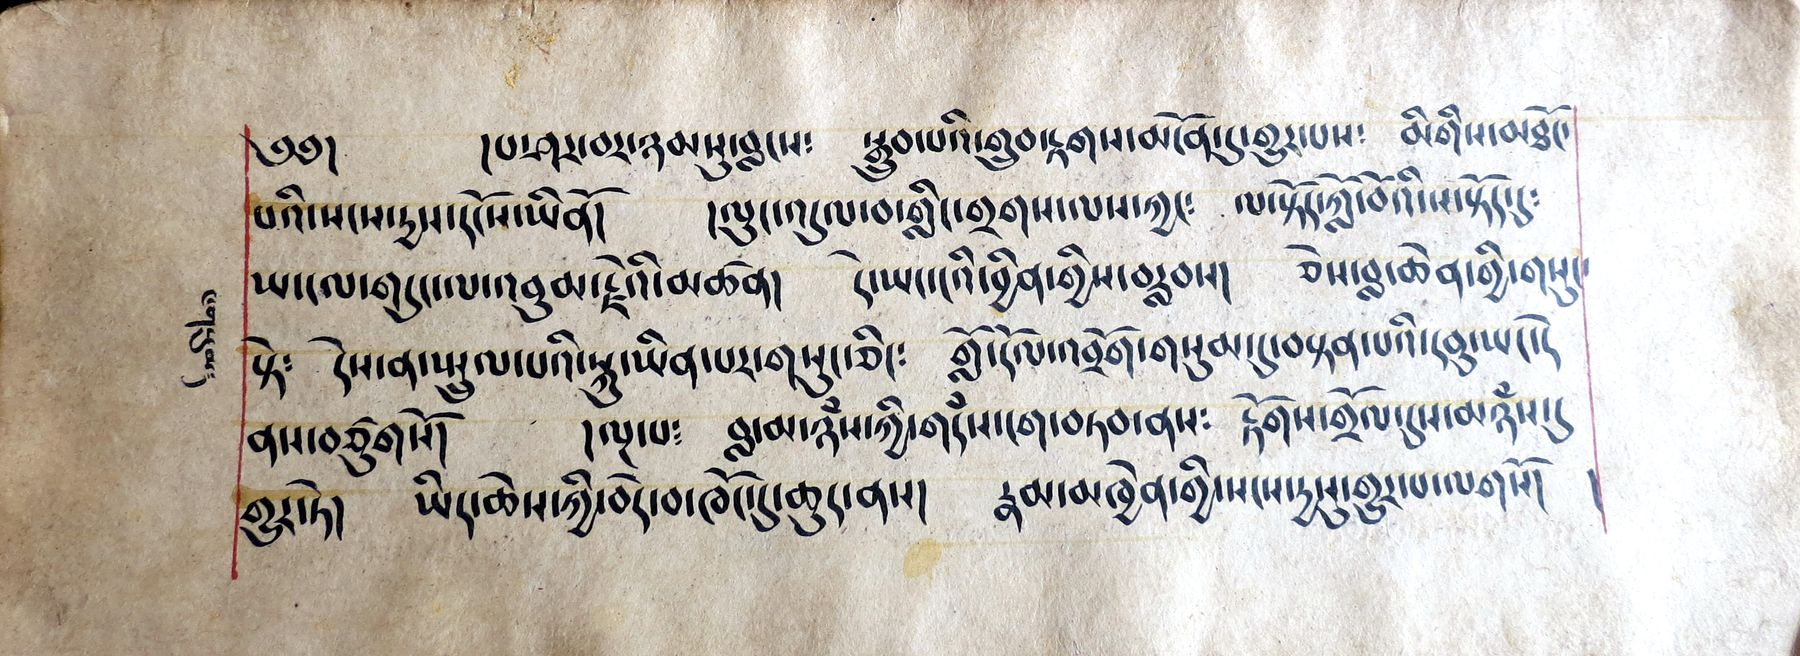པ་ཤར་བར་ཉམས་སུ་བླངས། བསྒྲུབ་པའི་གྲུབ་རྟགས་མངོན་དུ་གྱུར་པས། མིག་གིས་མཐོང་
པའི་སངས་རྒྱས་དངོས་ཡིན་ནོ། །ལུང་འདུལ་བ་གླིང་གྲགས་ལས་ཀྱང་། ལ་སྟོད་གློ་བོའི་ས་སྟོད་དུ། 
ཡ་ངལ་གདུང་ལ་འབུམ་རྗེའི་མཚན། དེ་ཡང་ངའི་བྱིན་གྱིས་བརླབས། །ཞེས་བླ་ཆེན་གྱིས་གསུངས་
ཏེ། དེས་ན་སྤྲུལ་པའི་སྐུ་ཡིན་པར་གསུངས་ཤིང་། གློ་དོལ་འབྲོག་གསུམ་དུ་བསྟན་པའི་དབུ་ཡང་དེ་
ནས་བཙུགས་སོ། །ལྔ་པ་བླ་མས་ཉམས་ཀྱི་མན་ངག་བཏབ་ནས། རྟོགས་གྲོལ་དུས་མཉམ་དུ་
གྱུར་ཏེ། ཡིད་ཆེས་ཀྱི་བདེ་བ་ཁོང་དུ་ཆུད། རྣམ་མཁྱེན་གྱི་སངས་རྒྱས་སུ་གྱུར་པ་ལགས་སོ། །